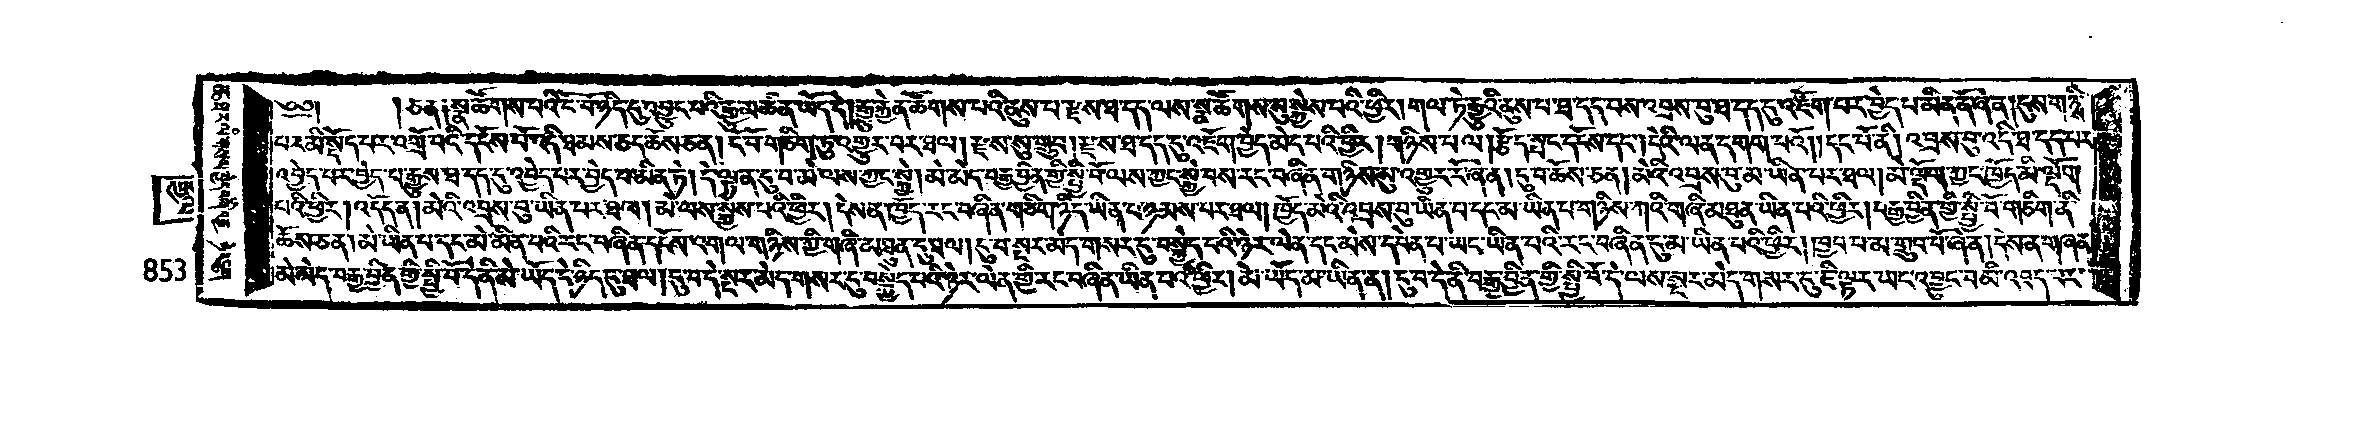༄༅། །ཅན། སྣ་ཚིགས་པའི་ངོ་བོ་ཉིད་དུ་འབྱུང་པའི་རྒྱུ་མཚན་ཡོད་དེ། རྒྱུ་རྐྱེན་ཚོགས་པའི་ནུས་པ་རྫས་ཐ་དད་ལས་སྣ་ཚོགས་སུ་སྐྱེས་པའི་ཕྱིར། གལ་ཏེ་རྒྱུའི་ནུས་པ་ཐ་དད་པས་འབྲས་བུ་ཐ་དད་དུ་འཇོག་པར་བྱེད་པ་མིན་ནོ་ཞེ་ན། དུས་གཉིས་
པར་མི་སྡོད་པར་འགྲོ་བའི་དངོས་པོ་འདི་ཐམས་ཅད་ཆོས་ཅན། ངོ་བོ་གཅིག་ཏུ་འགྱུར་བར་ཐལ། རྫས་སུ་གྲུབ། རྫས་ཐ་དད་དུ་འཇོག་བྱེད་མེད་པའི་ཕྱིར། གཉིས་པ་ལ། རྩོད་སྤང་དངོས་དང་། དེའི་ལན་དགག་པའོ། །དང་པོ་ནི། འབྲས་བུ་འདི་ཐ་དད་པར་
འབྱེད་པར་བྱེད་པ་རྒྱུས་ཐ་དད་དུ་འབྱེད་པར་བྱེད་པ་མིན་ཏེ། དེ་ལྟ་ན་དུ་བ་མེ་ལས་ཀྱང་སྐྱེ། མེ་མེད་བརྒྱ་བྱིན་གྱི་སྤྱི་བོ་ལས་ཀྱང་སྐྱེ་བས་རང་བཞིན་གཉིས་སུ་འགྱུར་རོ་ཞེ་ན། དུ་བ་ཆོས་ཅན། མེའི་འབྲས་བུ་མ་ཡིན་པར་ཐལ། མེ་ལྡོག་ཀྱང་ཁྱོད་མི་ལྡོག་
པའི་ཕྱིར། འདོད་ན། མེའི་འབྲས་བུ་ཡིན་པར་ཐལ། མེ་ལས་སྐྱེས་པའི་ཕྱིར། དེས་ན་ཁྱོད་རང་བཞིན་གཅིག་ཉིད་ཡིན་པ་ཉམས་པར་ཐལ། ཁྱོད་མེའི་འབྲས་བུ་ཡིན་པ་དང་མ་ཡིན་པ་གཉིས་ཀའི་གཞི་མཐུན་ཡིན་པའི་ཕྱིར། བརྒྱ་བྱིན་གྱི་སྤྱི་བོ་གཅིག་ནི་
ཆོས་ཅན། མེ་ཡིན་པ་དང་མེ་མིན་པའི་རང་བཞིན་དངོས་འགལ་གཉིས་ཀྱི་གཞི་མཐུན་དུ་ཐལ། དུ་བ་སྔར་མེད་གསར་དུ་བསྐྱེད་པའི་ཉེར་ལེན་དང་མེས་དབེན་པ་ཡང་ཡིན་པའི་རང་བཞིན་དུ་མ་ཡིན་པའི་ཕྱིར། ཁྱབ་པ་མ་གྲུབ་པོ་ཞེ་ན། དེས་ན་གཞན་
མེ་མེད་བརྒྱ་བྱིན་གྱི་སྤྱི་བོ་དེ་ནི་མེ་ཡོད་དེ་ཉིད་དུ་ཐལ། དུ་བ་དེ་སྤར་མེད་གསར་དུ་བསྐྱེད་པའི་ཉེར་ལེན་གྱི་རང་བཞིན་ཡིན་པའི་ཕྱིར། མེ་ཡོད་མ་ཡིན་ན། དུ་བ་དེ་ནི་བརྒྱ་བྱིན་གྱི་སྤྱི་བོ་དེ་ལས་སྔར་མེད་གསར་དུ་ཇི་ལྟར་ཡང་འབྱུང་བ་མི་འཐད་པར་